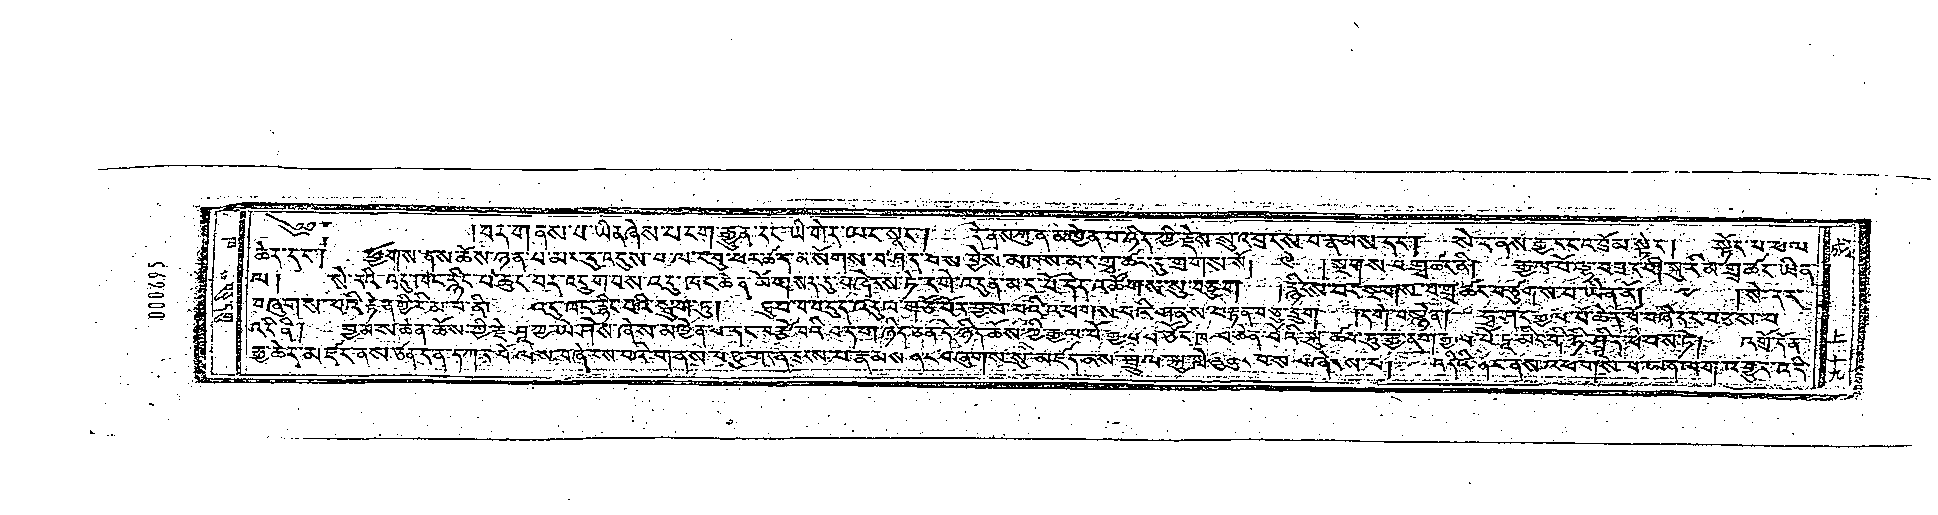༄༅། །བར་གནས་པ་ཡིན་ཞེས་པ་ངག་རྒྱུན་དང་ཡི་གེར་ཡང་སྣང་། དེ་ནས་ཀུན་མཁྱེན་པ་ཉིད་ཀྱི་རྗེས་སུ་འབྲངས་པ་རྣམས་དང་། སེ་ར་ནས་རྒྱ་དང་འབྲོམ་སྟེང་། སྟོད་པ་ཕལ་
ཆེར་དང་། ཕྱོགས་ནས་ཆོས་ཉན་པ་མང་དུ་འདུས་པ་ལ་དབུ་ཕར་ཚད་མ་སོགས་བཤད་བས་བྱེས་མཁས་མང་གྲྭ་ཚང་དུ་གྲགས་སོ། ༧་།སྔགས་པ་གྲྭ་ཚང་ནི། རྒྱལ་པོ་ལྷ་བཟང་གི་སྐུ་རིམ་གྲྭ་ཚང་ཡིན་
ལ། སེ་རའི་འདུ་ཁང་རྙིང་པ་ཆུང་བར་འདུག་བས་འདུ་ཁང་ཆེན་མོ་གསར་དུ་བཞེངས་ཏེ་དགེ་འདུན་མང་པོ་དེར་འཚོགས་སུ་བཅུག །རྙིངས་བར་སྔགས་པ་གྲྭ་ཚང་བཙུགས་པ་ཡིན་ནོ། ༧་།སེ་རར་
བཞུགས་པའི་རྟེན་གྱི་རིམ་པ་ནི། འདུ་ཁང་རྙིང་པའི་སྦུག་ཏུ། ཐུབ་པ་བདུད་འདུལ་གཙོ་བོར་བྱས་པའི་འཕགས་པའི་གནས་བརྟན་བཅུ་དྲུག །དགེ་བསྙེན། ཧྭ་ཤར་རྒྱལ་པོ་ཆེན་པོ་བཞི་དང་བཅས་པ་
འདི་ནི། བྱམས་ཆེན་ཆོས་ཀྱི་རྗེ་ཤཱཀྱ་ཡེ་ཤེས་ཞེས་མཁྱེན་པ་དང་བརྩེ་བའི་བདག་ཉིད་ཅན་དེ་ཉིད་ཆོས་ཀྱི་རྒྱལ་པོ་རྒྱལ་པོ་ཙོང་ཁ་པ་ཆེན་བོའི་སྐུ་ཚབ་ཏུ་རྒྱ་ནག་རྒྱལ་པོ་ཏཱ་མིང་གི་ཏ་ཤྲཱི་ར་ཕེབས་ཏེ། འགྲོ་དོན་
རྒྱ་ཆེར་མཛད་ནས་ཙན་དན་དཀར་པོ་ལས་བཞེངས་པའི་གནས་བཅུ་གདན་དྲངས་པ་རྣམས་ནང་བཞུགས་སུ་མཛད་ནས་སྤྲུལ་སྐུ་སླེའུ་ཆུང་བས་བཞེངས་པ། འདིའི་ནང་ནས་འཕགས་པ་ཡན་ལག་འབྱུང་འདི་